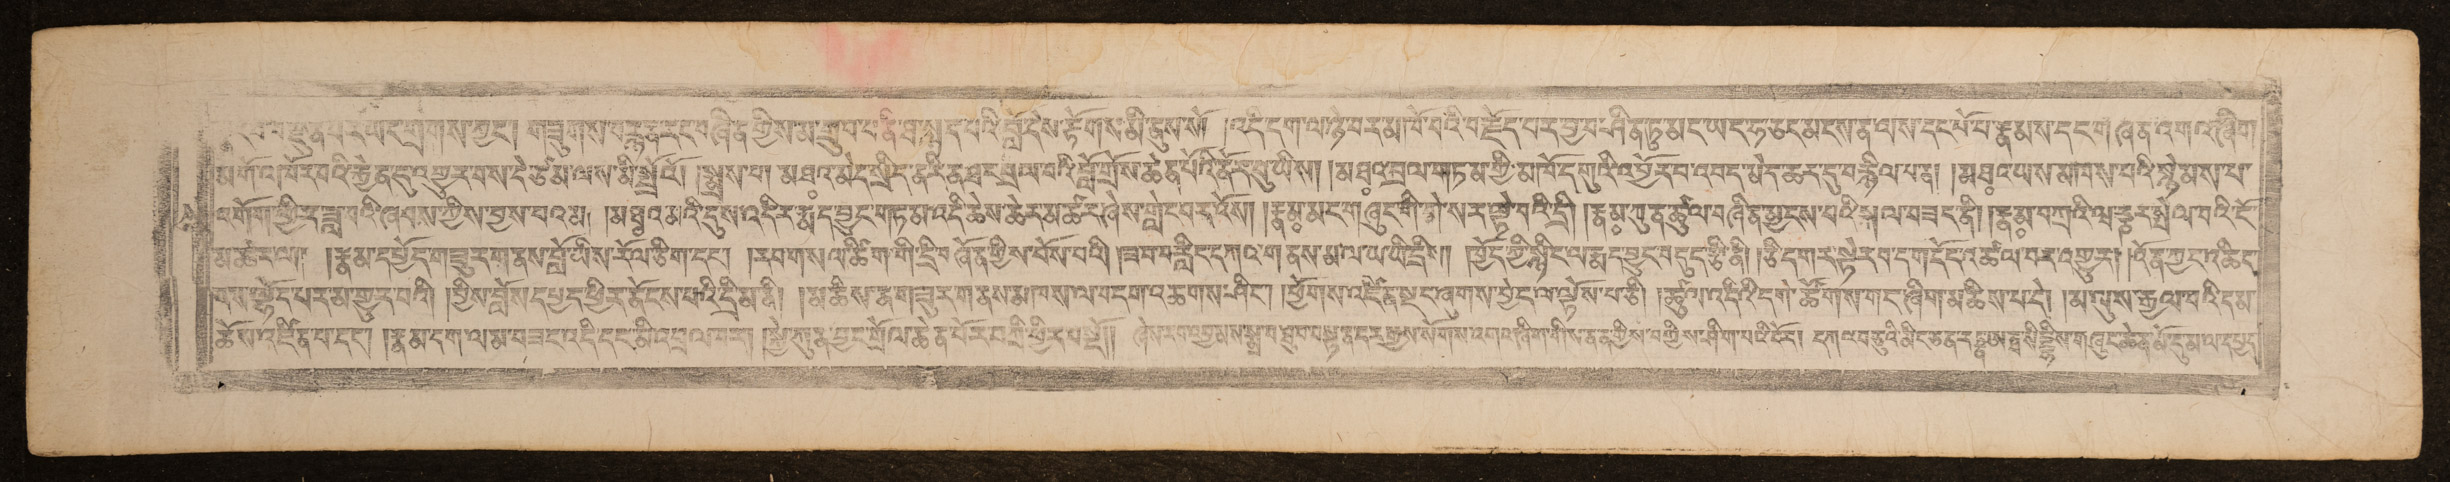སྣང་བ་བརྫུན་པར་ཡང་གྲགས་ཀྱང་། གཟུགས་བརྙན་རང་བཞིན་གྱིས་མ་གྲུབ་པ་ནི་ཐ་སྙད་པའི་བློ་དེས་རྟོགས་མི་ནུས་སོ། །འདི་དག་ལ་ཉེ་བར་མཁོ་བའི་བརྗོད་པར་བྱ་བ་ཤིན་ཏུ་མང་ཡང་ཧ་ཅང་མངས་ན་ལས་དང་པོ་པ་རྣམས་དང་གཞན་འགའ་ཞིག་
མགོ་འཁོར་བའི་རྐྱེན་དུ་འགྱུར་བས་དེ་ཙམ་ལས་མི་སྤྲོའོ། །སྨྲས་པ། མཐའ྾་མེད་སྲིད་ན་རིན་ཐང་བྲལ་བའི་བློ་གྲོས་ཆེན་པོའི་ནོར་བུ་ཡིས། །མཐའ྾་བྲལ་གཏམ་གྱི་མཁོ་དགུའི་འབྱོར་བ་འབད་མེད་ཆར་དུ་བརྙིལ་བ་ན། །མཐའ྾་ཡས་མཁས་པའི་སྙེམས་པ་
འགོག་ཕྱིར་ཟླ་བའི་ཞབས་ཀྱིས་བྱས་པའམ། །མཐའ྾་མའི་དུས་འདིར་རྨད་བྱུང་གཏམ་འདི་ཆེས་ཆེར་མཚར་ཞེས་གླེང་བར་འོས། །རྣམ྾་མང་གཞུང་གི་གེ་སར་ལྟེ་བའི་དྲི། །རྣམ྾་ཀུན་ཚུལ་བཞིན་མྱངས་པའི་སྐལ་བཟང་ནི། །རྣམ྾་བཀྲའི་ཝརྞར་སྤེལ་བའི་ངོ་
མཚར་ལ། །རྣམ་དཔྱོད་གཟུར་གནས་བློ་ཡིས་རོལ་ཅིག་དང་། །རབ་གསལ་ཚིག་གི་དྲི་བཞོན་གྱིས་བོས་པའི། །ཟབ་བརླིང་དཀའ་གནས་མ་ལ་ཡ་ཡི་དྲིས། །ཁྱོད་ཀྱི་སྙིང་ལ་རྨད་བྱུང་བདུད་རྩི་ནི། །ཅི་དགར་སྟེར་བ་ད་གདོད་འཚལ་བར་འགྱུར། །འོན་ཀྱང་འཆིང་
བས་ལྷོད་པར་མ་གྱུར་པའི། །བྱིས་བློས་དཔྱད་ཕྱིར་ནོངས་པའི་དྲི་མ་ནི། །མཆིས་ན་གཟུར་གནས་མཁས་ལ་བདག་འཆགས་ཤིང་། །ཕྱོགས་འཛིན་སྡང་ཞུགས་བྱེད་ལ་ལྟོས་པ་ཅི། །ཚུལ་འདིའི་དགེ་ཚོགས་གང་ཞིག་མཆིས་པ་དེ། །མ་ལུས་རྒྱལ་བའི་དམ་
ཆོས་འཛིན་པ་དང་། །རྣམ་དག་ལམ་བཟང་འདི་དང་མི་འབྲལ་བར། །སྐྱེ་ཀུན་བྱང་གྲོལ་ཆེན་པོར་བཀྲི་ཕྱིར་བསྔོ། །ཞེས་རབ་འབྱམས་སྨྲ་བ་ཐུབ་བསྟན་དར་རྒྱས་སོགས་འགའ་ཞིག་གིས་ནན་གྱིས་བགྱིས་ཤིག་པའི་ངོར། དཀའ་བཅུའི་མིང་ཅན་རཏྣ་ཨརྠ་སིདྡྷིས་གཞུང་ཆེན་མོ་དུ་མ་ལ་དཔྱད་